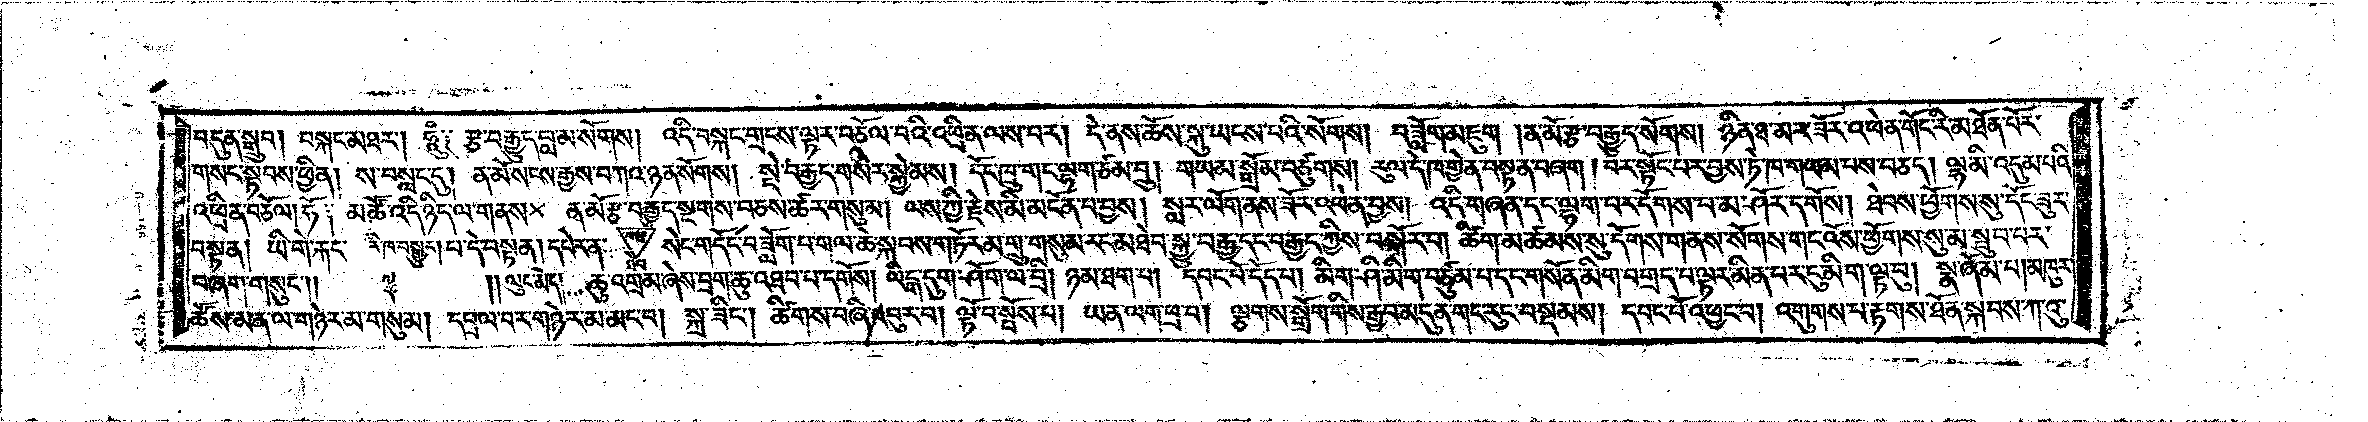བདུན་སྒྲུབ། བསྐང་མཐར། ཧཱུཾ༑ རྩ་བརྒྱུད་བླ་མ་སོགས། འདི་བསྐང་གྲངས་ལྟར་བཅོལ་བའི་འཕྲིན་ལས་བར། དེ་ནས་ཆོས་སྐུ་ཡངས་པའི་སོགས། བཟློག་མཇུག །ན་མོ་རྩ་བརྒྱུད་སོགས། ཉིན་ཐ་མར་ཟོར་འཕེན་གོང་རི་མཐོན་པོར་
གསང་སྟབས་ཕྱིན། ས་བསླང་དུ། ན་མོ་སངས་རྒྱས་བཀའ་ཉན་སོགས། སྡེ་བརྒྱད་གསེར་སྐྱེམས། དོང་ཁྲུ་གང་ལྷག་ཙམ་བྲུ། གཡམ་སྒྲོམ་བཙུགས། རུལ་དེ་ཁ་གྱེན་བསྟན་བཞག །བར་སྟོང་པར་བྱས་ཏེ་ཁ་གཡམ་པས་བཅད། ལྷ་མི་འདུམ་པའི་
འཕྲིན་བཅོལ། ཧོ༑ མཚོ་འདི་ཉིད་ལ་གནས་྾་ན་མོ་རྩ་བརྒྱུད་སྔགས་བཅས་ཚར་གསུམ། ལས་ཀྱི་རྗེས་མི་མངོན་པ་བྱས། སླར་ལོག་ནས་ཟོར་འཕེན་བྱས། འདི་གཞན་དང་ལྷག་པར་དོགས་པ་མ་ཤོར་དགོས། ཐེབས་ཕྱོགས་སུ་དོང་ཟུར་
བསྟན། ཡི་གེ་རྐང་?རི་ཁ་བསྒྱུར།  པ་དེ་བསྟན། དཔེར་ན་ཐེབ་སེང་གདོང་བཟློག་པ་གལ་ཆེ་སྐབས་གཏོར་མ་གྲུ་གསུམ་རང་མཐེབ་སྐྱུ་བརྒྱ་དང་བརྒྱད་ཀྱིས་བསྐོར་བ། ཚིག་མཚམས་སུ་དོགས་གནས་སོགས་གང་འོས་ཕྱོགས་སུ་མ་སྦུབ་པར་
བཞག་གསུང།། ༈ །།ལུང་མེད་ཆུ་འགྲམ་ཞེས་བྲག་ཆུ་འཐབ་པ་དགོས། ལིངྒ་དུག་ཤོག་ལ་བྲི། ཉམ་ཐག་པ། དབང་པོ་དོད་པ། མིག་ཤི་མིག་བཙུམ་པ་དང་གསོན་མིག་བགྲད་པ་ལྟར་མིན་པར་དུ་མིག་ལྟ་བུ། སྣ་ཞོམ་པ། མཁུར་
ཚོས་མན་ལ་གཉེར་མ་གསུམ། དཔྲལ་བར་གཉེར་མ་མང་བ། སྐྲ་ཟིང་། ཚིགས་བཞི་འབུར་བ། ལྟོ་བ་སྦོས་པ། ཡན་ལག་ཕྲ་བ། ལྕགས་སྒྲོག་གིས་རྒྱབ་མདུན་གང་རུང་བསྡམས། དབང་པོ་འཕྱང་བ། འགུགས་པ་རྟགས་ཐོན་སྐབས་ཀ་འུ་